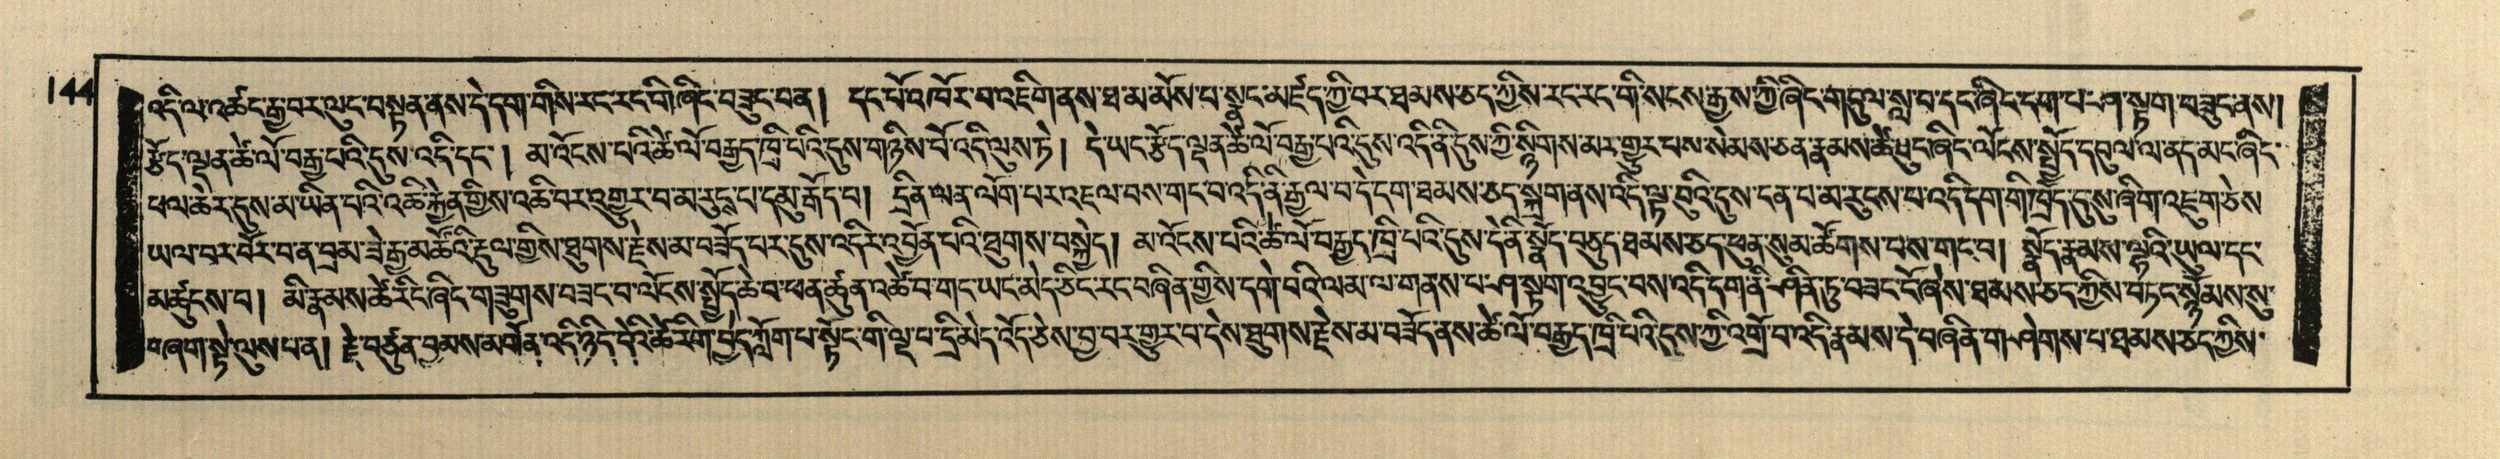འདི་ལ་འཚང་རྒྱ་བར་ལུང་བསྟན་ནས་དེ་དག་གིས་རང་རང་གི་ཞིང་བཟུང་བ་ན། དང་པོ་འཁོར་བ་འཇིག་ནས་ཐ་མ་མོས་པ་སྣང་མཛད་ཀྱི་བར་ཐམས་ཅད་ཀྱིས་རང་རང་གི་སངས་རྒྱས་ཀྱི་ཞིང་གདུལ་སླ་བ་དང་ཞིང་དག་པ་ཤ་སྟག་བཟུང་ནས།
རྩོད་ལྡན་ཚེ་ལོ་བརྒྱ་པའི་དུས་འདི་དང་། མ་འོངས་པའི་ཚེ་ལོ་བརྒྱད་ཁྲི་པའི་དུས་གཉིས་པོ་འདི་ལུས་ཏེ། དེ་ཡང་རྩོད་ལྡན་ཚེ་ལོ་བརྒྱ་པའི་དུས་འདི་ནི་དུས་ཀྱི་སྙིགས་མར་གྱུར་པས་སེམས་ཅན་རྣམས་ཚེ་ཐུང་ཞིང་ལོངས་སྤྱོད་དབུལ་ལ་ནད་མང་ཞིང་
ཕལ་ཆེར་དུས་མ་ཡིན་པའི་འཆི་རྐྱེན་གྱིས་འཆི་བར་འགྱུར་བ་མ་རུངས་པ་དམུ་རྒོད་པ། དྲིན་ལན་ལོག་པར་འཇལ་བས་གང་བ་འདི་ནི་རྒྱལ་བ་དེ་དག་ཐམས་ཅད་སྐྲག་ནས་འདི་ལྟ་བུའི་དུས་ངན་པ་མ་རུངས་པ་འདི་དག་གི་ཁྲོད་དུ་སུ་ཞིག་འཇུག་ཅེས་
ཡལ་བར་བོར་བ་ན་བྲམ་ཟེ་རྒྱ་མཚོའི་རྡུལ་གྱིས་ཐུགས་རྗེས་མ་བཟོད་པར་དུས་འདིར་འབྱོན་པའི་ཐུགས་བསྐྱེད། མ་འོངས་པའི་ཚེ་ལོ་བརྒྱད་ཁྲི་པའི་དུས་དེ་ནི་སྣོད་བཅུད་ཐམས་ཅད་ཕུན་སུམ་ཚོགས་པས་གང་བ། སྣོད་རྣམས་ལྷའི་ཡུལ་དང་
མཚུངས་བ། མི་རྣམས་ཚེ་རིང་ཞིང་གཟུགས་བཟང་བ་ལོངས་སྤྱོད་ཆེ་བ་ཕན་ཚུན་འཚེ་བ་གང་ཡང་མེད་ཅིང་རང་བཞིན་གྱིས་དགེ་བའི་ལམ་ལ་གནས་པ་ཤ་སྟག་འབྱུང་བས་འདི་དག་ནི་ཤིན་ཏུ་བཟང་ངོ་ཞེས་ཐམས་ཅད་ཀྱིས་བཏང་སྙོམས་སུ་
བཞག་སྟེ་ལུས་པ་ན། རྗེ་བཙུན་བྱམས་མགོན་འདི་ཉིད་དེའི་ཚེ་རིག་བྱེད་ཀློག་པ་སྟོང་གི་ལྔ་པ་དྲི་མེད་འོད་ཅེས་བྱ་བར་གྱུར་པ་དེས་ཐུགས་རྗེས་མ་བཟོད་ནས་ཚེ་ལོ་བརྒྱད་ཁྲི་པའི་དུས་ཀྱི་འགྲོ་བ་འདི་རྣམས་དེ་བཞིན་གཤེགས་པ་ཐམས་ཅད་ཀྱིས་